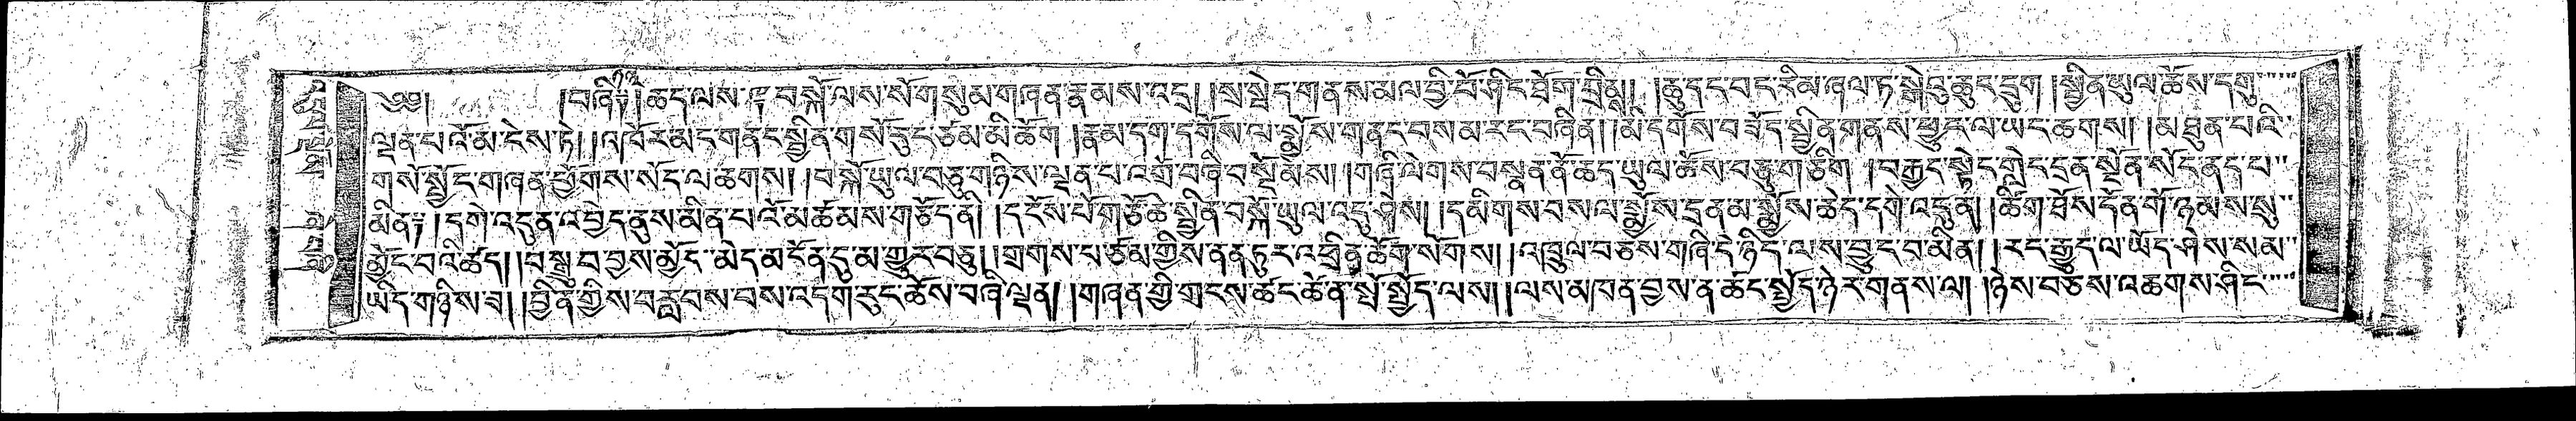༄༅། །བཞི༑ །ཆད་ལས་༈ བསྐོ་ལས་སོ་གསུམ་གཞན་རྣམས་འདྲ། །སྲ་སྦེད་གནས་མལ་བྱི་བོ་ཤིང་ཐོག་བྲིམས། །ཆུ་དང་བང་རིམ་ཞལ་ཏ་སྒེའུ་ཆུང་དྲུག །སྦྱིན་ཡུལ་ཆོས་དགུ་
ལྡན་པའོ་མ་ངེས་ཏེ། །འཁོར་མང་གནང་སྦྱིན་གསོ་རུང་ཙམ་མི་ཆོག །རྣམ་དག་དགོས་ལ་སྨྱོས་གནང་བསམ་རང་བཞིན། །མི་དགོས་བཟོད་སྦྱིན་གནས་ཕྱུང་ལ་ཡང་ཆགས། །མཐུན་པའི་
གསོ་སྤྱོང་གཞན་ཕྱོགས་སོང་ལ་ཆགས། །བསྐོ་ཡུལ་བཅུ་གཉིས་ལྡན་པ་འགྲོ་བཞི་བསྔོམས། །གཞི་ལེགས་བསྣན་ནོ་ཆད་ཡུལ་ཆོས་བཅུ་གཅིག །བརྒྱད་སྟེང་གླེང་དྲན་སྔོན་སོང་ནད་པ་
མིན༑ །དགེ་འདུན་འབྱེད་ནུས་མིན་པའོ་མཚམས་གཅོད་ནི། །དངོས་པོ་གཙོ་ཆེ་སྦྱིན་བསྐོ་ཡུལ་འདུ་ཤེས། །དམིགས་བསལ་སྨྱོས་དྲན་མ་སྨྱོས་ཆེད་དགེ་འདུན། །ཚིག་ཐོས་དོན་གོ་ཉམས་སུ་
མྱོང་བའི་ཚད། །བསྒྲུབ་བྱས་མྱོང་མེད་མངོན་དུ་མ་གྱུར་བཅུ། །གྲགས་པ་ཙམ་གྱིས་ནན་ཏུར་འཕྲིན་ཆོག་སོགས། །འཁྲུལ་བཅས་གཞི་དེ་ཉིད་ལས་བྱུང་བ་མིན། །རང་རྒྱུད་ལ་ཡོད་ཤེས་སམ་
ཡིད་གཉིས་ཟ། །བྱིན་གྱིས་བརླབས་བས་འདག་རུང་ཆོས་བཞི་ལྡན། །གཞན་གྱི་གྲངས་ཚད་ཚེ་ན་སྤོ་སྤྱོད་ལས། །ལས་མཁན་བྱས་ན་ཚང་སྤྱོད་ཉེར་གནས་ལ། །ཉེས་བཅས་འཆགས་ཤིང་